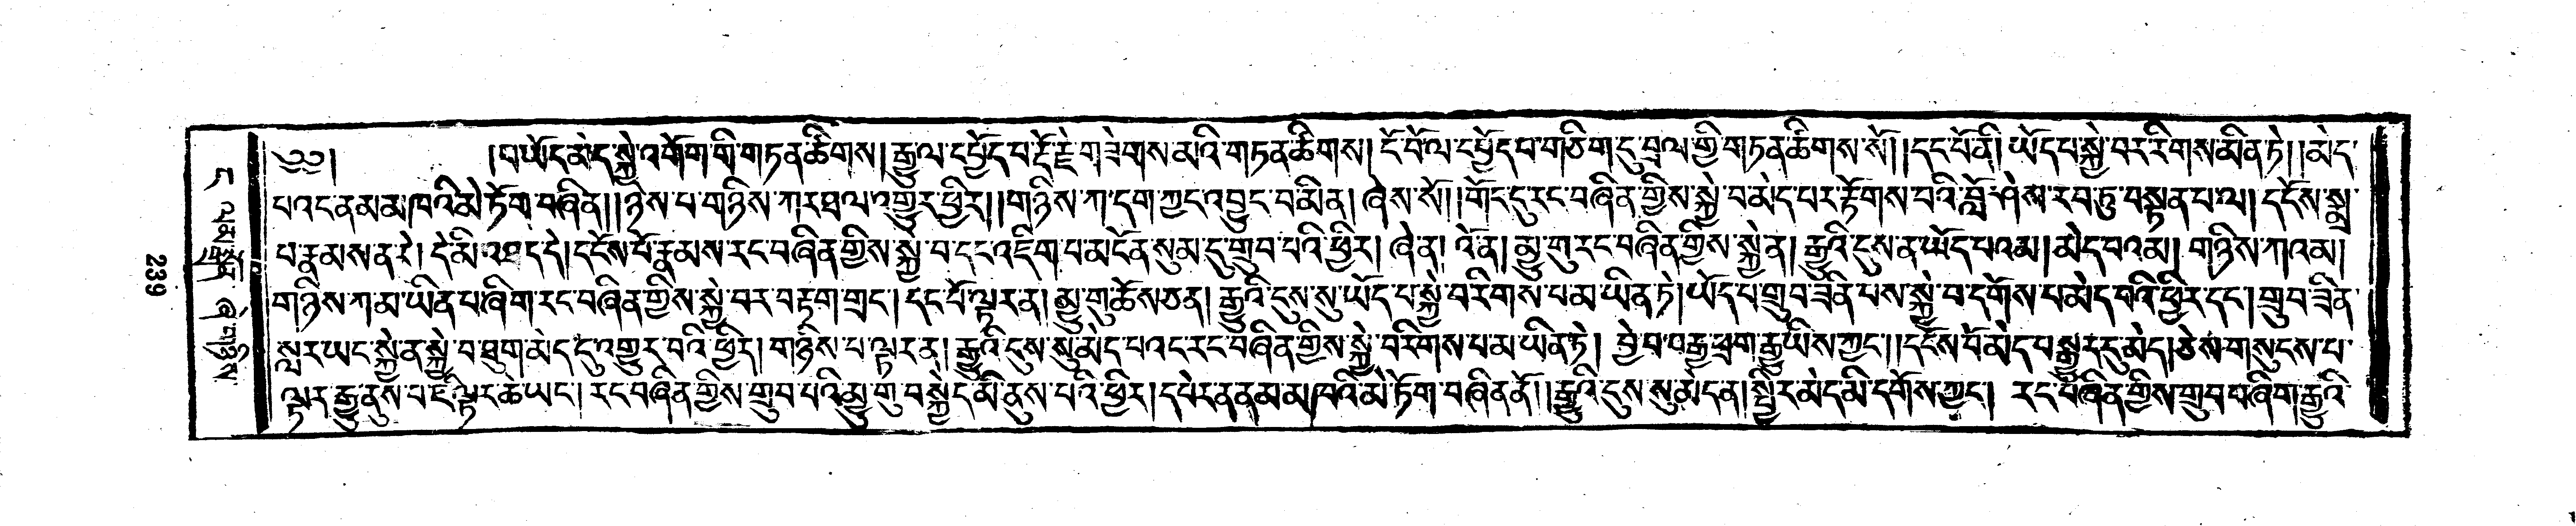༄༅། །པ་ཡོད་མེད་སྐྱེ་འགོག་གི་གཏན་ཚིགས། རྒྱུ་ལ་དཔྱོད་པ་རྡོ་རྗེ་གཟེགས་མའི་གཏན་ཚིགས། ངོ་བོ་ལ་དཔྱོད་པ་གཅིག་དུ་བྲལ་གྱི་གཏན་ཚིགས་སོ། །དང་པོ་ནི། ཡོད་པ་སྐྱེ་བར་རིགས་མིན་ཏེ། །མེད་
པའང་ནམ་མཁའི་མེ་ཏོག་བཞིན། །ཉེས་པ་གཉིས་ཀར་ཐལ་འགྱུར་ཕྱིར། །གཉིས་ཀ་དག་ཀྱང་འབྱུང་བ་མིན། ཞེས་སོ། །གོང་དུ་རང་བཞིན་གྱིས་སྐྱེ་བ་མེད་པར་རྟོགས་པའི་བློ་ཤེས་རབ་ཏུ་བསྟན་པ་ལ། དངོས་སྨྲ་
བ་རྣམས་ན་རེ། དེ་མི་འཐད་དེ། དངོས་པོ་རྣམས་རང་བཞིན་གྱིས་སྐྱེ་བ་དང་འཇིག་པ་མངོན་སུམ་དུ་གྲུབ་པའི་ཕྱིར། ཞེ་ན། འོ་ན། མྱུ་གུ་རང་བཞིན་གྱིས་སྐྱེ་ན། རྒྱུའི་དུས་ན་ཡོད་པའམ། མེད་པའམ། གཉིས་ཀའམ།
གཉིས་ཀ་མ་ཡིན་པ་ཞིག་རང་བཞིན་གྱིས་སྐྱེ་བར་བརྟག་གྲང་། དང་པོ་ལྟར་ན། མྱུ་གུ་ཆོས་ཅན། རྒྱུའི་དུས་སུ་ཡོད་པ་སྐྱེ་བ་རིགས་པ་མ་ཡིན་ཏེ། ཡོད་པ་གྲུབ་ཟིན་པས་སྐྱེ་བ་དགོས་པ་མེད་པའི་ཕྱིར་དང་། གྲུབ་ཟིན་
སླར་ཡང་སྐྱེ་ན་སྐྱེ་བ་ཐུག་མེད་དུ་འགྱུར་བའི་ཕྱིར། གཉིས་པ་ལྟར་ན། རྒྱུའི་དུས་སུ་མེད་པའང་རང་བཞིན་གྱིས་སྐྱེ་བ་རིགས་པ་མ་ཡིན་ཏེ། བྱེ་བ་བརྒྱ་ཕྲག་རྒྱུ་ཡིས་ཀྱང་། །དངོས་པོ་མེད་པ་སྒྱུར་དུ་མེད། ཅེས་གསུངས་པ་
ལྟར་རྒྱུ་ནུས་པ་ཇི་ལྟར་ཆེ་ཡང་། རང་བཞིན་གྱིས་གྲུབ་པའི་མྱུ་གུ་བསྐྱེད་མི་ནུས་པའི་ཕྱིར། དཔེར་ན་ནམ་མཁའི་མེ་ཏོག་བཞིན་ནོ། །རྒྱུའི་དུས་སུ་མེད་ན། སྤྱིར་མེད་མི་དགོས་ཀྱང་། རང་བཞིན་གྱིས་གྲུབ་པ་ཞིག་རྒྱུའི་